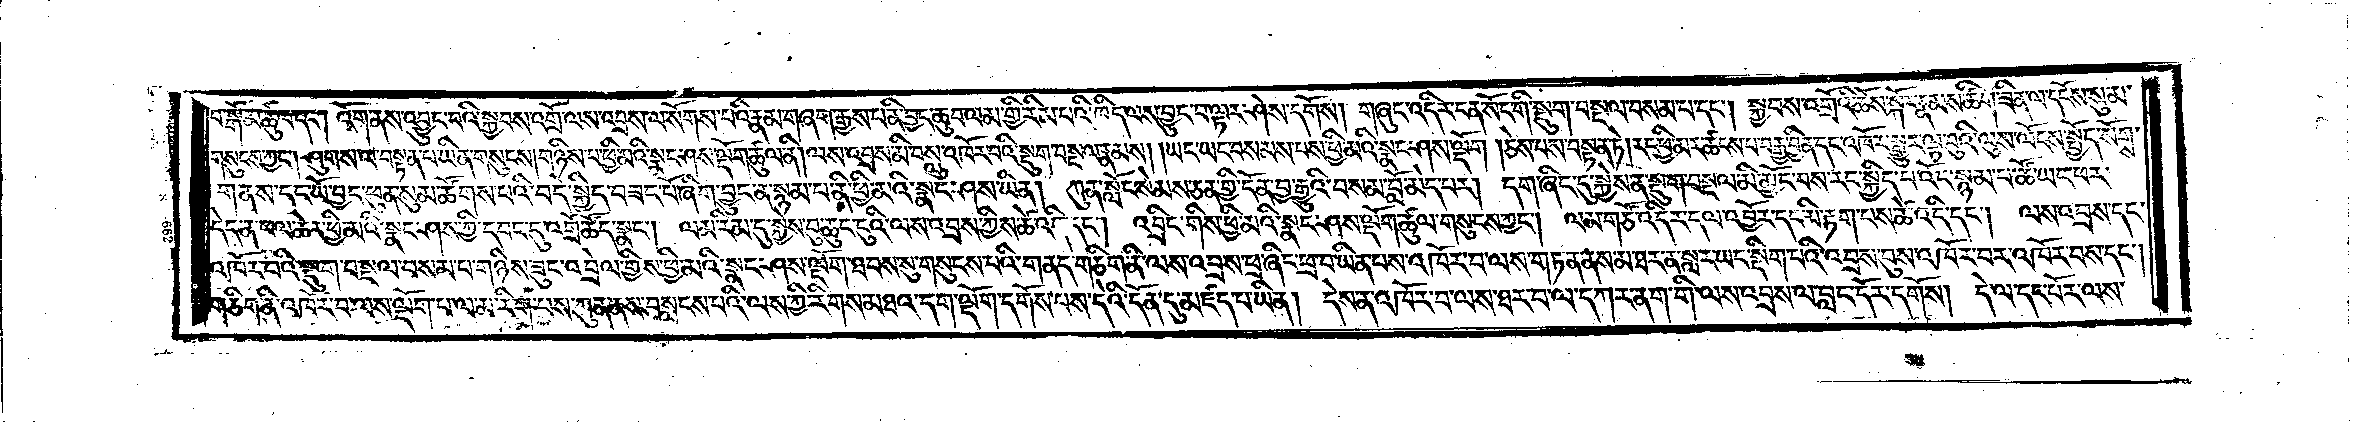བ་སྒོམ་ཚུལ་དང་། འོག་ནས་འབྱུང་བའི་སྐྱབས་འགྲོ་ལས་འབྲས་ལ་སོགས་པའི་རྣམ་གཞག་རྒྱས་པ་ནི་བྱང་ཆུབ་ལམ་གྱི་རིམ་པའི་ཁྲིད་ལས་བྱུང་བ་ལྟར་ཤེས་དགོས། གཞུང་འདིར་ངན་སོང་གི་སྡུག་བསྔལ་བསམ་པ་དང་། སྐྱབས་འགྲོའི་ཆོས་སྐོར་རྣམས་ཚིག་ཟིན་ལ་དངོས་སུ་མ་
གསུངས་ཀྱང་། ཤུགས་ལ་བསྟན་པ་ཡིན་གསུངས། གཉིས་པ་ཕྱི་མའི་སྣང་ཤས་ལྡོག་ཚུལ་ནི། ལས་འབྲས་མི་བསླུ་འཁོར་བའི་སྡུག་བསྔལ་རྣམས། །ཡང་ཡང་བསམས་པས་ཕྱི་མའི་སྣང་ཤས་ལྡོག །ཅེས་པས་བསྟན་ཏེ། རང་ཕྱི་མར་ཚངས་པ་བརྒྱ་བྱིན་དང་འཁོར་སྒྱུར་ལྟ་བུའི་ལུས་ལོངས་སྤྱོད་སོགས་
གནས་དང་ཡོ་བྱད་ཕུན་སུམ་ཚོགས་པའི་བདེ་སྐྱིད་བཟང་པོ་ཞིག་བྱུང་ན་སྙམ་པ་ནི་ཕྱི་མའི་སྣང་ཤས་ཡིན། ཀུན་སློང་སེམས་ཅན་གྱི་དོན་བྱ་རྒྱུའི་བསམ་བློ་མེད་པར། དག་ཞིང་དུ་སྐྱེས་ན་སྡུག་བསྔལ་མི་མྱོང་བས་རང་སྐྱིད་པ་འོང་སྙམ་པ་ཚོ་ཡང་ཕར་
དེད་ན་ཕལ་ཆེར་ཕྱི་མའི་སྣང་ཤས་ཀྱི་དབང་དུ་འགྲོ་ཚོད་སྣང་། ལམ་རིམ་དུ་སྐྱེས་བུ་ཆུང་ངུའི་ལས་འབྲས་ཀྱིས་ཚེ་འདི་དང་། འབྲིང་གིས་ཕྱི་མའི་སྣང་ཤས་ལྡོག་ཚུལ་གསུངས་ཀྱང་། ལམ་གཙོ་འདིར་དལ་འབྱོར་དང་མི་རྟག་པས་ཚེ་འདི་དང་། ལས་འབྲས་དང་
འཁོར་བའི་སྡུག་བསྔལ་བསམ་པ་གཉིས་ཟུང་འབྲེལ་གྱིས་ཕྱི་མའི་སྣང་ཤས་ལྡོག་ཐབས་སུ་གསུངས་པའི་གནད་གཅིག་ནི་ལས་འབྲས་ཕྲ་ཞིང་ཕྲ་བ་ཡིན་པས་འཁོར་བ་ལས་གཏན་ནས་མ་ཐར་ན་སླར་ཡང་སྡིག་པའི་འབྲས་བུས་འཁོར་བར་འཁོར་བས་དང་།
གཅིག་ནི་འཁོར་བ་ལས་ལྡོག་པ་ལ་མ་རིག་པས་ཀུན་ནས་བསླངས་པའི་ལས་ཀྱི་རིགས་མཐའ་དག་ལྡོག་དགོས་པས་དེའི་དོན་དུ་མཛད་པ་ཡིན། དེས་ན་འཁོར་བ་ལས་ཐར་བ་ལ་དཀར་ནག་གི་ལས་འབྲས་ལ་བླང་དོར་དགོས། དེ་ལ་དང་པོར་ལས་